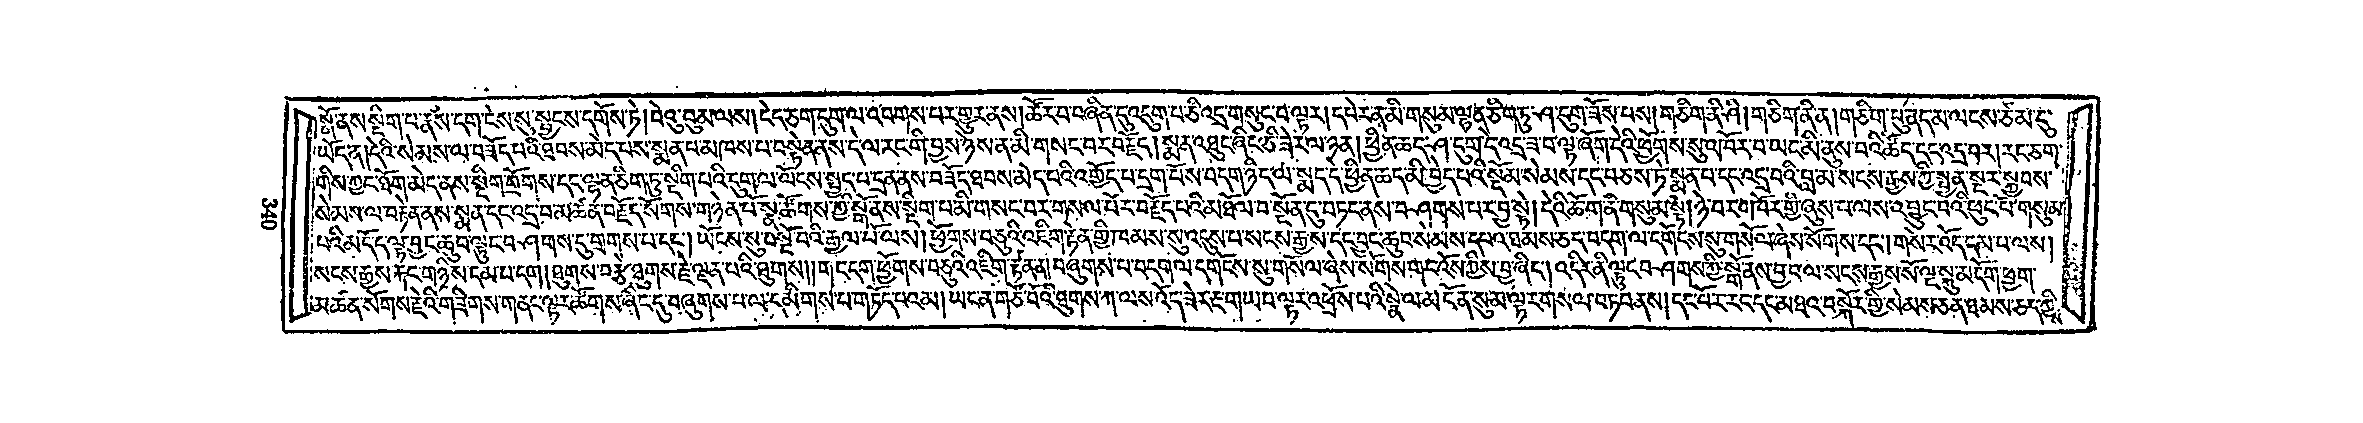སྒོ་ནས་སྡིག་པ་རྣཾས་དག་ངེས་སུ་སྦྱངས་དགོས་ཏེ། བེའུ་བུམ་ལས། ངེད་ཅག་དུག་ལ་འབགས་པར་གྱུར་ནས། ཚོར་བ་བཞིན་དུ་འདུག་པ་ཅི་འདྲ་གསུང་པ་ལྟར། དཔེར་ན་མི་གསུམ་ལྷན་ཅིག་ཏུ་ཤ་དུག་ཟོས་པས། གཅིག་ནི་ཤི། གཅིག་ནི་ན། གཅིག་པུ་ནད་མ་ལངས་ཙམ་དུ་
ཡོད་ན། དེའི་སེམས་ལ་བཟོད་པའི་ཐབས་མེད་པས་སྨན་པ་མཁས་པ་བསྟེན་ནས་དེ་ལ་རང་གི་བྱས་ཉེས་ན་མི་གསང་བར་བརྗོད། སྨན་འཐུང་ཞིང་ཅི་ཟེར་ལ་ཉན། ཕྱིན་ཆད་ཤ་དུག་དེ་འདྲ་ཟ་བ་ལྟ་ཞོག་དེའི་ཕྱོགས་སུ་འཁོར་བ་ཡང་མི་ནུས་པའི་ཚོད་དང་འདྲ་བར། རང་ཅག་
གིས་ཀྱང་ཐོག་མེད་ནས་སྡིག་གྲོགས་དང་ལྷན་ཅིག་ཏུ་སྡིག་པའི་དུག་ལ་ལོངས་སྤྱད་པ་དྲན་ནས་བཟོད་ཐབས་མེད་པའི་འགྱོད་པ་དྲག་པོས་བདག་ཉིད་ལ་སྨད་དེ་ཕྱིན་ཆད་མི་བྱེད་པའི་སྡོམ་སེམས་དང་བཅས་ཏེ་སྨན་པ་དང་འདྲ་བའི་བླ་མ་སངས་རྒྱས་ཀྱི་སྤྱན་སྔར་སྐྱབས་
སེམས་ལ་བརྟེན་ནས་སྨན་དང་འདྲ་བ་མཚན་བརྗོད་སོགས་གཉེན་པོ་སྣ་ཚོགས་ཀྱི་སྒོ་ནས་སྡིག་པ་མི་གསང་བར་གསལ་པོར་བརྗོད་པའི་མཐོལ་བ་སྔོན་དུ་བཏང་ནས་བཤགས་པར་བྱ་སྟེ། དེའི་ཆོ་ག་ནི་གསུམ་སྟེ། ཉེ་བར་འཁོར་གྱི་ཞུས་པ་ལས་འབྱུང་བའི་ཕུང་པོ་གསུམ་
པའི་མདོ་ད་ལྟ་བྱང་ཆུབ་ལྟུང་བཤགས་དུ་གྲགས་པ་དང་། ཡོངས་སུ་བསྔོ་བའི་རྒྱལ་པོ་ལས། ཕྱོགས་བཅུའི་འཇིག་རྟེན་གྱི་ཁམས་སུ་འདུས་པ་སངས་རྒྱས་དང་བྱང་ཆུབ་སེམས་དཔའ་ཐམས་ཅད་བདག་ལ་དགོངས་སུ་གསོལ་ཞེས་སོགས་དང་། གསེར་འོད་དམ་པ་ལས།
སངས་རྒྱས་རྐང་གཉིས་དམ་པ་དག །ཐུགས་བརྩེ་ཐུགས་རྗེ་ལྡན་པའི་ཐུགས། །གང་དག་ཕྱོགས་བཅུའི་འཇིག་རྟེན་ན། བཞུགས་པ་བདག་ལ་དགོངས་སུ་གསོལ་ཞེས་སོགས་གང་འོས་ཀྱིས་བྱ་ཞིང་། འདིར་ནི་ལྟུང་བཤགས་ཀྱི་སྒོ་ནས་བྱ་བ་ལ་སངས་རྒྱས་སོ་ལྔ་སྐུ་མདོག་ཕྱག་
མཚན་སོགས་རྗེའི་གཟིགས་གནང་ལྟར་ཚོགས་ཞིང་དུ་བཞུགས་པ་ལ་དམིགས་པ་གཏོད་པའམ། ཡང་ན་གཙོ་བོའི་ཐུགས་ཀ་ལས་འོད་ཟེར་རྔ་གཡབ་ལྟར་འཕྲོས་པའི་སྣེ་ལ་མངོན་སུམ་ལྟར་གསལ་བཏབ་ནས། དང་པོར་རང་དང་མཐའ་བསྐོར་གྱི་སེམས་ཅན་ཐམས་ཅད་ཀྱིས་